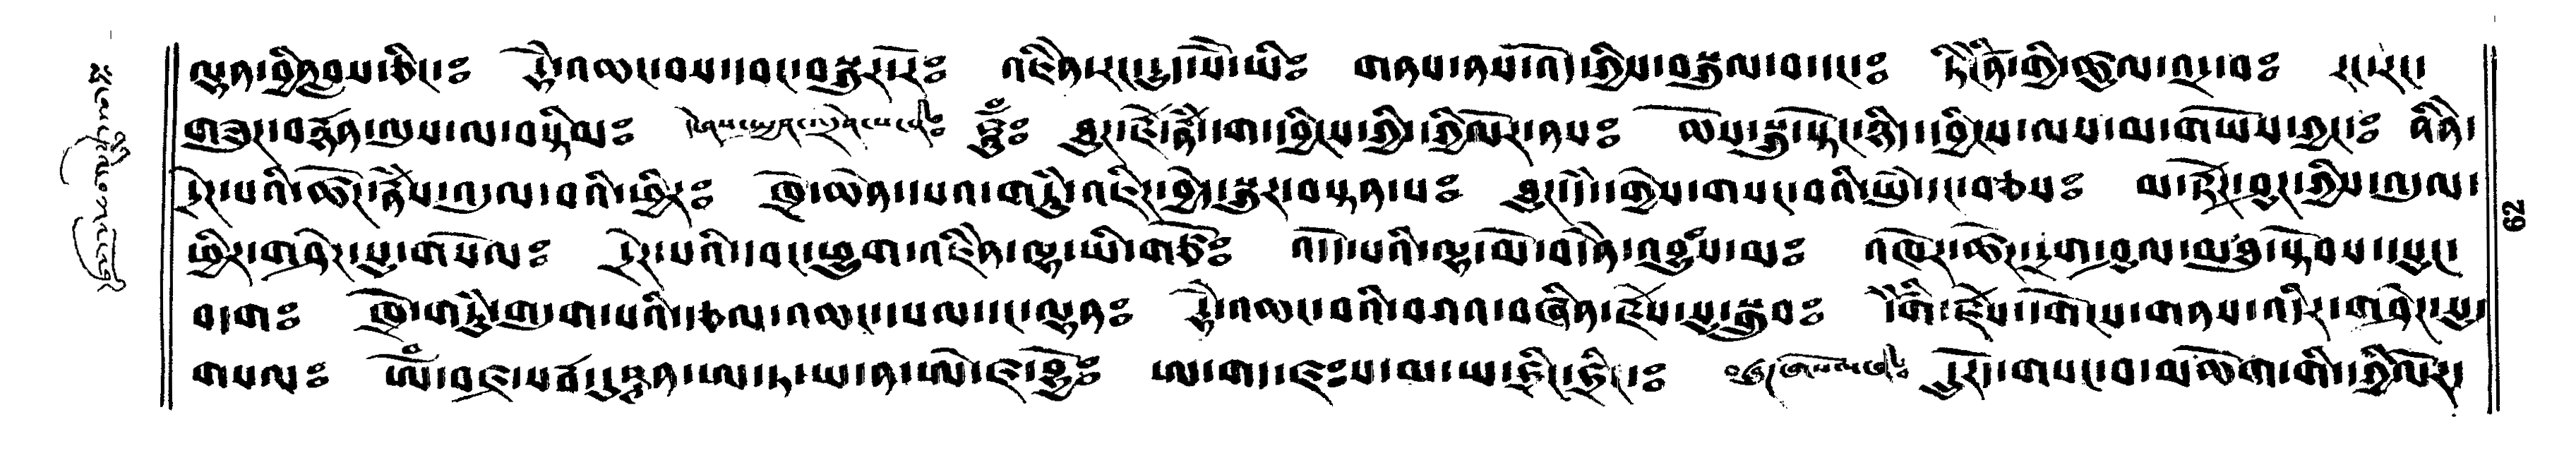ལྡན་བྱིན་རླབས་ཅིང་ཿ རྡོ་རྗེ་འཆང་བས་དབང་བསྐུར་རོཿ འཇིག་རྟེན་རང་རྒྱུད་སོ་སོ་ཡིཿ གནས་ནས་འོད་ཀྱིས་བསྐུལ་བ་དང་ཿ ཏིང་ངེ་འཇིན་གྱི་ཚུལ་འདྲ་བཿ རང་རང་
གཟུགས་བརྙན་ལུས་ལ་བསྟིམཿ དེ་ནས་སྤྱན་འདྲེན་པ་ན ིཿ ཧཱུྃ༔ ཐུགས་རྗེ་རྣམ་དག་དབྱིངས་ཀྱི་དཀྱིལ་འཁོར་ནསཿ ཆོས་སྐུ་སྟོང་ཉིད་དབྱིངས་ལས་མ་གཡོས་ཀྱང་ཿ འཇིག་རྟེན་
དྲེགས་པའི་ཚོགས་རྣམས་འདུལ་བའི་ཕྱིརཿ ཁྲོ་ཆེན་དཔའ་གཏུམ་འཇིགས་བྱེད་སྐུར་བསྟན་པཿ ཐུགས་དམ་དགྱེས་པ་གསང་བའི་ཡུམ་དང་བཅསཿ མ་རྟོགས་ཤུགས་ཀྱིས་འདུལ་
ཕྱིར་གཤེགས་སུ་གསོལཿ དྲེགས་པའལི་དབང་ཕྱུག་འཇིག་རྟེན་ལྷ་ཡི་གཙོཿ འདོད་པའི་ལྷ་མོ་བདེ་ཆེན་འབྱུང་གནས་མཿ འཁོར་ཚོགས་དྲག་ཤུལ་མཐུ་སྟོབས་དབང་ཕྱུག་
བདགཿ ཁྲོ་གཏུམ་གདུག་པའི་རྩལ་འཆང་དཔལ་དང་ལྡནཿ རྡོ་རྗེ་འཆང་བའི་བཀའ་བཞིན་རྗེས་སུ་སྒྲུབཿ དམ་ཚིག་རྗེས་དགོངས་གནས་འདིར་གཤེགས་སུ་
གསོལཿ ཨོཾ་བཛྲ་སརྦ་དུཥྚན་ཨ་ཏ་ཡ་ན་ཨེ་ཛ་བྷྱོ༔ ཨ་གད་ཛ༔ས་མ་ཡ་ཧྲིང་ཧྲིང་ཿ བཞུགས་གསོལ་ནི༔ དུད་ཁྲོད་གསང་བ་མཆོག་གི་དཀྱིལ་འཁོར་